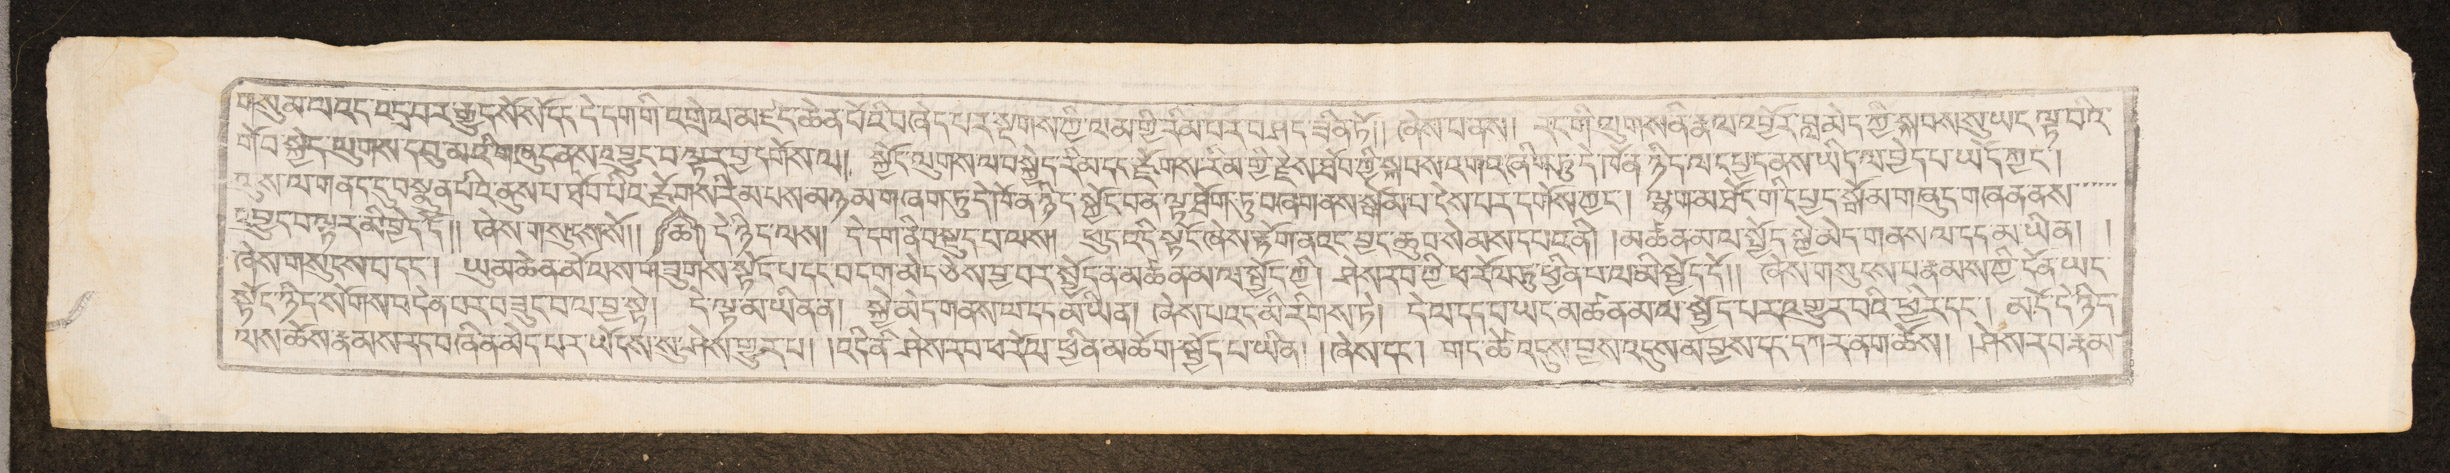གསུམ་ལའང་འདྲ་བར་རྒྱུད་སོ་སོ་དང་དེ་དག་གི་འགྲེལ་མཛད་ཆེན་པོའི་བཞེད་པར་སྔགས་ཀྱི་ལམ་གྱི་རིམ་པར་བཤད་ཟིན་ཏོ།། ཞེས་པ་ནས། རང་གི་ལུགས་ནི་རྣལ་འབྱོར་བླ་མེད་ཀྱི་སྐབས་སུ་ཡང་ལྟ་བའི་
གོ་བསྐྱེད་ལུགས་དབུ་མའི་གཞུང་ནས་འབྱུང་བ་ལྟར་བྱ་དགོས་ལ། སྐྱོད་ལུགས་ལ་བསྐྱེད་རིམ་དང་རྫོགས་རིམ་གྱི་རྗེས་ཐོབ་ཀྱི་སྐབས་འགའ་ཞིག་ཏུ་ཉིད་ལ་དྶྤྱད་ནས་ཡིད་ལ་བྱེད་པ་ཡོད་ཀྱང་།
ལུས་ལ་གནད་དུ་བསྣུན་པའི་ནུས་པ་ཐོབ་པའི་རྫོགས་རིམ་པས་མཉམ་གཞག་ཏུ་དེ་ཁོ་ན་ཉིད་སྐྱོང་བ་ན་ལྟ་ཐོག་ཏུ་བཞག་ནས་སྒོམ་པས་ངེས་པར་དགོས་ཀྱང་། ལྷག་མཐོང་གི་དྶྤྱད་སྒོམ་གཞུང་གཞན་ནས་
འབྱུང་བས་ལྟར་མི་བྱེད་དོ།། ཞེས་གསུངས་སོ།། ༼༽ཆ༼༽ དེ་ཉིད་ལས། དེ་དག་ནི་བསྡུད་པ་ལས། ཕུད་འདི་སྟོང་ཞེས་རྟོགས་ནའང་བྱང་ཆུབ་སེམས་དཔའ་ནི། །མཚན་མ་ལ་སྤྱོད་སྐྱེ་མེད་གནས་ལ་དད་མ་ཡིན། །
ཞེས་གསུངས་པ་དང་། ཡུམ་ཆེན་མོ་ལས་གཟུགས་སྟོང་པ་དང་བདག་མེད་ཅེས་བྱ་བར་སྤྱོད་ན་མཚན་མ་ལ་སྦྱོད་ཀྱི། ཤེས་རབ་ཀྱི་ཕ་རོལ་ཏུ་ཕྱིན་པ་ལ་མི་སྤྱོད་དོ།། ཞེས་གསུངས་པ་རྣམས་ཀྱི་དོན་ཡང་
སྟོང་ཉིད་སོགས་བདེན་པར་བཟུང་བ་ལ་བྱ་སྟེ། དེ་ལྟ་མ་ཡིན་ན། སྐྱེ་མེད་གནས་ལ་དད་མ་ཡིན། ཞེས་པའང་མི་རིགས་ཏེ། དེ་ལ་དད་པ་ཡང་མཚན་མ་ལ་སྤྱོད་པར་འགྱུར་བའི་ཕྱིར་དང་། མདོ་དེ་ཉིད་
ལས་ཆོས་རྣམས་རང་བཞིན་མེད་པར་ཡོངས་སུ་ཤེས་གྱུར་པ། །འདི་ནི་ཤེས་རབ་ཕ་རོལ་ཕྱིན་མཆོག་སྤྱོད་པ་ཡིན། །ཞེས་དང་། གང་ཚེ་འདུས་བྱས་བྱས་འདུས་མ་བྱས་དང་དཀར་ནག་ཆོས། །ཤེས་རབ་རྣམ་